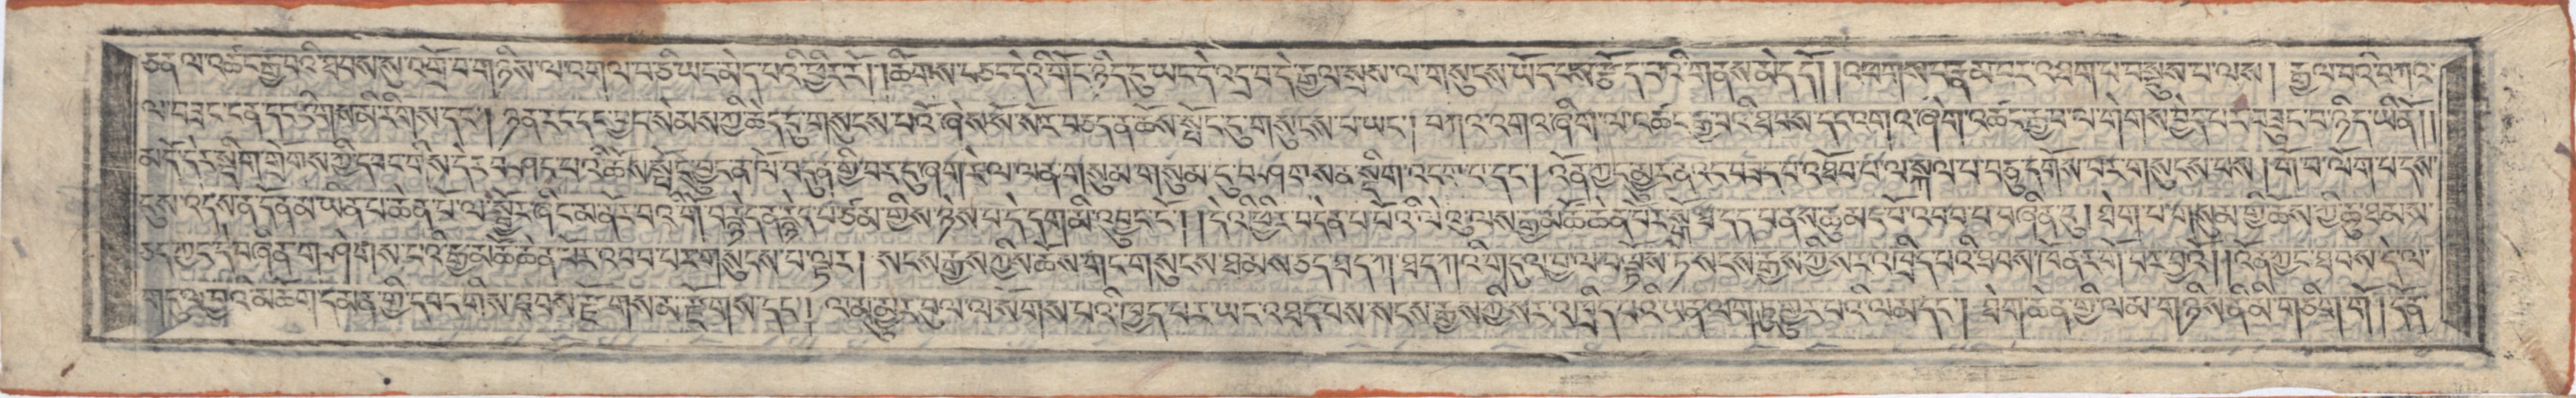ཅན་ལ་འཚང་རྒྱ་བའི་ཐབས་སུ་འགྲོ་བ་གཉིས་ལ་འགལ་བ་ཅི་ཡང་མེད་པའི་ཕྱིར་རོ། །ཚིགས་བཅད་དེའི་གོང་ཉིད་དུ་ཡང་དེ་འདྲ་བ་དེ་རྒྱལ་སྲས་ལ་གསུངས་ཡོད་པས་རྩོད་པའི་གནས་མེད་དོ། །འཕགས་པ་རྣམ་པར་འཐག་པ་བསྡུས་པ་ལས། རྒྱལ་བའི་བཀའ་
ལ་བཟང་ངན་དང་རིགས་མི་རིགས་དང་། ཉན་རང་དང་བྱང་སེམས་ཀྱི་ཆེད་དུ་གསུངས་པའོ་ཞེས་སོ་སོར་བཅད་ན་ཆོས་སྤོང་དུ་གསུངས་པ་ཡང་། བཀའ་འགའ་ཞིག་ལ་འཚང་རྒྱ་བའི་ཐབས་དང་འགའ་ཞིག་འཚང་རྒྱ་བ་ལ་གེགས་བྱེད་པར་བཟུང་བ་ཉིད་ཡིན་ནོ། །
མདོ་དེར་སྡིག་གྲོགས་ཀྱི་དབང་གིས་དེར་བཤད་པའི་ཆོས་སྤོང་བྱུང་ན་ལོ་བདུན་གྱི་བར་དུ་ཞག་རེ་ལ་ལན་གསུམ་གསུམ་དུ་བཤགས་ན་སྡིག་འདག་པ་དང་། འོན་ཀྱང་མྱུར་ནའང་བཟོད་པ་འཐོབ་པ་ལ་སྐལ་པ་བཅུ་དགོས་པར་གསུངས་པས། གོ་བ་ལོག་པ་དེས་
དུས་འདས་ན་དོན་མ་ཡིན་པ་ཆེན་པོ་ལ་སྦྱོར་ཞིང་མ་ནོར་བའི་གོ་བ་རྙེད་ན་རྙེད་པ་ཙམ་གྱིས་ཉེས་པ་དེ་དག་མི་འབྱུང་ངོ། །དེའི་ཕྱིར་བདེན་པ་པོའི་ལེའུ་ལས་རྒྱ་མཚོ་ཆེན་པོར་སྒོ་ཐ་དད་པ་ནས་ཆུ་མང་པོ་འབབ་པ་བཞིན་དུ། ཐེག་པ་གསུམ་གྱི་ཆོས་ཀྱི་ཆུ་ཐམས་
ཅད་ཀྱང་དེ་བཞིན་གཤེགས་པའི་རྒྱ་མཚོ་ཆེན་པོར་འབབ་པར་གསུངས་པ་ལྟར། སངས་རྒྱས་ཀྱིས་ཆོས་གང་གསུངས་ཐམས་ཅད་ཐད་ཀ་ཐད་ཀའི་གདུལ་བྱ་ལ་བལྟོས་ཏེ་སངས་རྒྱས་ཀྱི་སར་འཁྲིད་པའི་ཐབས་ཁོ་ནར་གོ་བར་བྱའོ། །འོན་ཀྱང་ཐབས་དེ་ལ་
གདུལ་བྱའི་མཆོག་དམན་གྱི་དབང་གིས་ཐབས་རྫོགས་མ་རྫོགས་དང་། ལམ་མྱུར་བུལ་ལ་སོགས་པའི་ཁྱད་པར་ཡང་འཐད་པས་སངས་རྒྱས་ཀྱི་སར་འཁྲིད་པའི་ཡན་ལག་ཏུ་གྱུར་པའི་ལམ་དང་། ཐེག་ཆེན་གྱི་ལམ་གཉིས་ནི་མི་གཅིག་གོ །དོན་